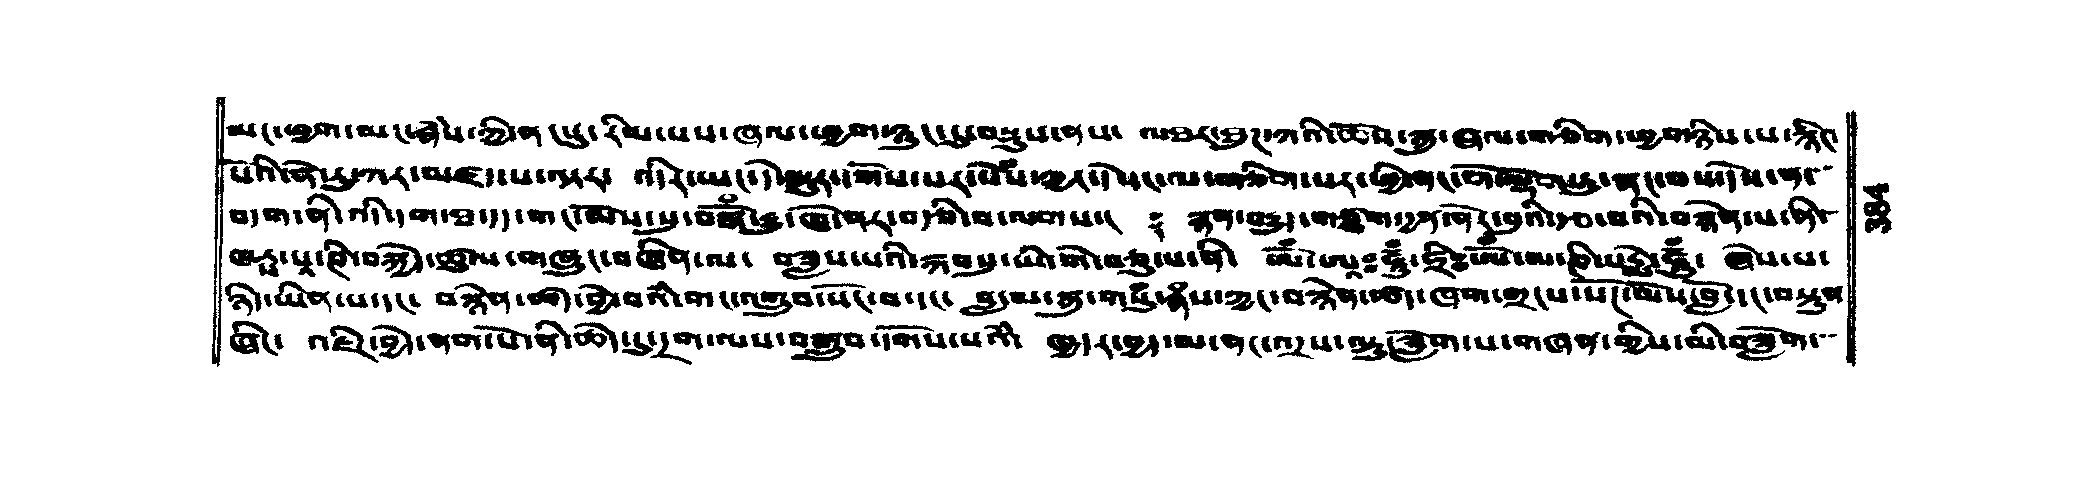མང་ཕྱག་མང་རྣམས་ཀྱི་ནང་དུ་རིམ་པས་ཞལ་ཕྱག་ཉུང་དུ་བསྡུས་ནས། མཐར་ཐུགས་ཀའི་ཆོས་སྐུ་ཞལ་གཅིག་ཕྱག་གཉིས་པ་སྙིང་
པོའི་ཧེ་རུ་ཀར་མཛད་པ་ལྟར། འདིར་ཡང་དེ་ལྟ་བུར་དགོས་པར་སེམས་ཀྱང་དེ་དང་མ་གཅིག་པར་ཕྱི་ནང་གོ་ལྡོག་ཏུ་སྣང་བས་དེས་ན་
བདག་ནི་འདི་དག་ཐ་དད་གང་མོས་སུ་བསྒོམ་རྒྱུ་ཁོ་ནར་བརྩི་བ་ལགས། ༈ སྙན་བརྒྱུད་གཙུག་རྒྱན་ནོར་བུའི་རྩ་བའི་བསྙེན་པ་ནི། 
ཁརྶ་པཱ་ཎི་བསྐྱེད་ཚུལ་གཞུང་བཞིན་ལ། བཟླས་པའི་སྐབས་སུ་ཡི་གེ་བཅུ་པ་ནི། ཨོཾ་ཨཱཿཧཱུྂ་ཧྲིཿཨོྂ་མ་ཎི་པདྨེ་ཧཱུྂ། ཞེས་པ་
ཉིད་ཡིན་པ་དང་། བསྙེན་ཚད་བྱེ་བའམ་གང་འགྲུབ་སོང་བ་དང་། བླ་མ་སྐུ་གསུམ་རྣམས་ཀྱང་བསྙེན་ཚད་ཞག་གྲངས་སོགས་མོས་བློ་དང་བསྟུན་
ཞིང་། འཇིགས་བྱེད་ནག་པོ་ནི་ཆེད་དུ་དྲག་ལས་བསྒྲུབ་དགོས་པའམ། ཁྱད་པར་བྱད་མ་ནང་འདྲས་ལྟ་བུ་ཟློག་པ་གཞན་གྱིས་མི་བཟློག་